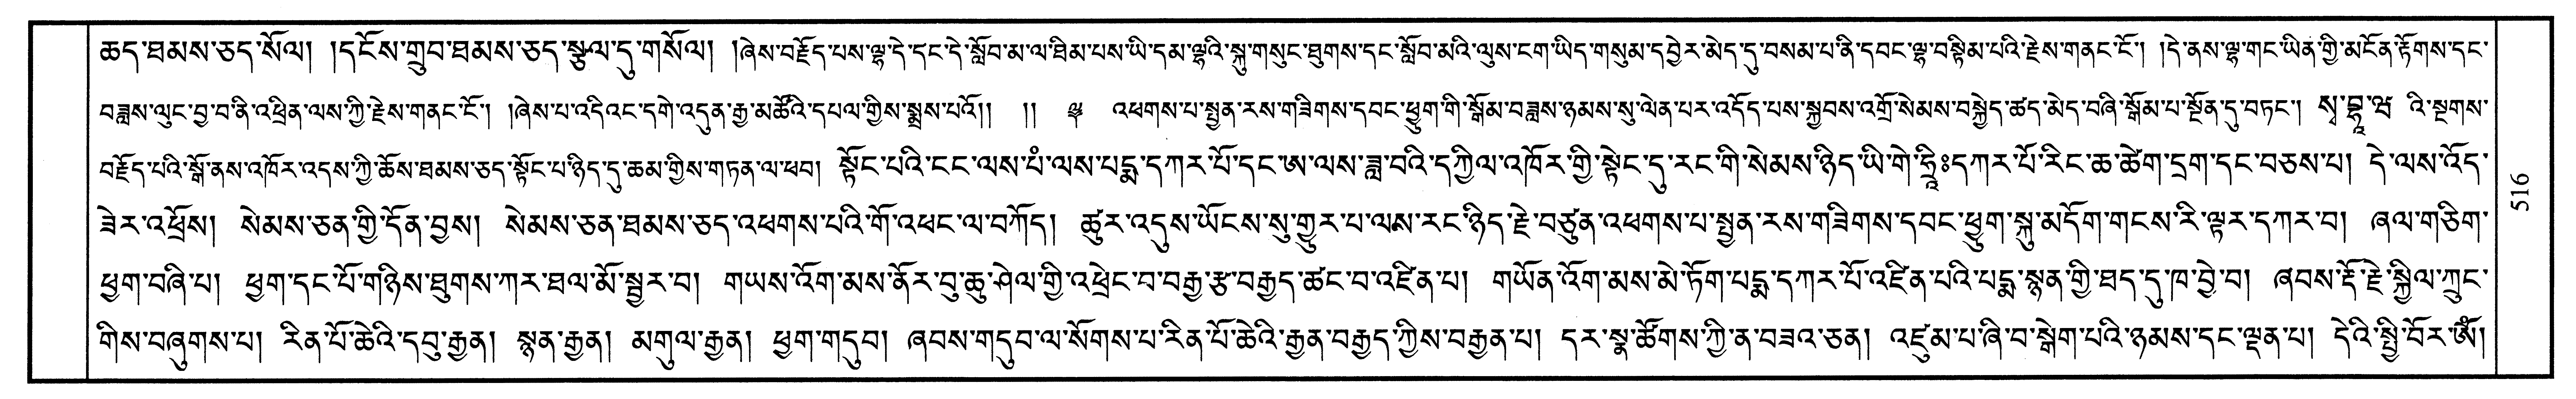ཆད་ཐམས་ཅད་སོལ། །དངོས་གྲུབ་ཐམས་ཅད་སྩལ་དུ་གསོལ། །ཞེས་བརྗོད་པས་ལྷ་དེ་དང་དེ་སློབ་མ་ལ་ཐིམ་པས་ཡི་དམ་ལྷའི་སྐུ་གསུང་ཐུགས་དང་སློབ་མའི་ལུས་ངག་ཡིད་གསུམ་དབྱེར་མེད་དུ་བསམ་པ་ནི་དབང་ལྷ་བསྟིམ་པའི་རྗེས་གནང་ངོ། །དེ་ནས་ལྷ་གང་ཡིན་གྱི་མངོན་རྟོགས་དང་
བཟླས་ལུང་བྱ་བ་ནི་འཕྲིན་ལས་ཀྱི་རྗེས་གནང་ངོ། །ཞེས་པ་འདིའང་དགེ་འདུན་རྒྱ་མཚོའི་དཔལ་གྱིས་སྨྲས་པའོ།། །། ༈ འཕགས་པ་སྤྱན་རས་གཟིགས་དབང་ཕྱུག་གི་སྒོམ་བཟླས་ཉམས་སུ་ལེན་པར་འདོད་པས་སྐྱབས་འགྲོ་སེམས་བསྐྱེད་ཚད་མེད་བཞི་སྒོམ་པ་སྔོན་དུ་བཏང་། སྭ་བྷཱ་ཝའི་སྔགས་
བརྗོད་པའི་སྒོ་ནས་འཁོར་འདས་ཀྱི་ཆོས་ཐམས་ཅད་སྟོང་པ་ཉིད་དུ་ཆམ་གྱིས་གཏན་ལ་ཕབ། སྟོང་པའི་ངང་ལས་པཾ་ལས་པདམ་དཀར་པོ་དང་ཨ་ལས་ཟླ་བའི་དཀྱིལ་འཁོར་གྱི་སྟེང་དུ་རང་གི་སེམས་ཉིད་ཡི་གེ་ཧྲཱིཿ དཀར་པོ་རིང་ཆ་ཚེག་དྲག་དང་བཅས་པ། དེ་ལས་འོད་
ཟེར་འཕྲོས། སེམས་ཅན་གྱི་དོན་བྱས། སེམས་ཅན་ཐམས་ཅད་འཕགས་པའི་གོ་འཕང་ལ་བཀོད། ཚུར་འདུས་ཡོངས་སུ་གྱུར་པ་ལས་རང་ཉིད་རྗེ་བཙུན་འཕགས་པ་སྤྱན་རས་གཟིགས་དབང་ཕྱུག་སྐུ་མདོག་གངས་རི་ལྟར་དཀར་བ། ཞལ་གཅིག་
ཕྱག་བཞི་པ། ཕྱག་དང་པོ་གཉིས་ཐུགས་ཀར་ཐལ་མོ་སྦྱར་བ། གཡས་འོག་མས་ནོར་བུ་ཆུ་ཤེལ་གྱི་འཕྲེང་བ་བརྒྱ་རྩ་བརྒྱད་ཚང་བ་འཛིན་པ། གཡོན་འོག་མས་མེ་ཏོག་པདམ་དཀར་པོ་འཛིན་པའི་པདམ་སྙན་གྱི་ཐད་དུ་ཁ་བྱེ་བ། ཞབས་རྡོ་རྗེ་སྐྱིལ་ཀྲུང་
གིས་བཞུགས་པ། རིན་པོ་ཆེའི་དབུ་རྒྱན། སྙན་རྒྱན། མགུལ་རྒྱན། ཕྱག་གདུབ། ཞབས་གདུབ་ལ་སོགས་པ་རིན་པོ་ཆེའི་རྒྱན་བརྒྱད་ཀྱིས་བརྒྱན་པ། དར་སྣ་ཚོགས་ཀྱི་ན་བཟའ་ཅན། འཛུམ་པ་ཞི་བ་སྒེག་པའི་ཉམས་དང་ལྡན་པ། དེའི་སྤྱི་བོར་ཨོཾ།